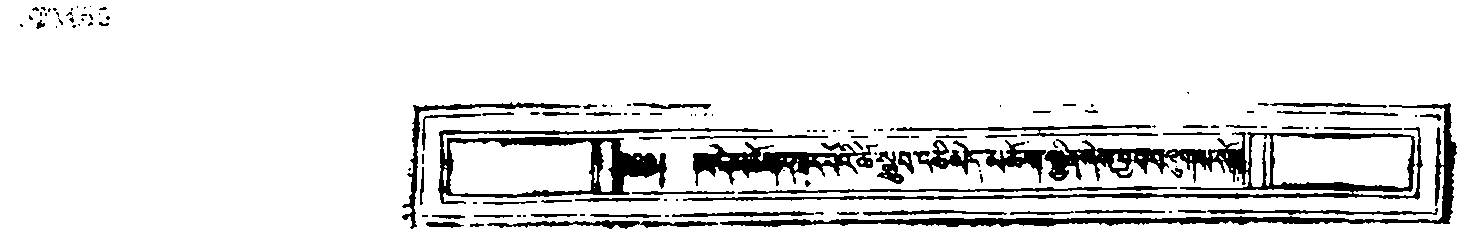༄༅། །བདེ་མཆོག་དཀར་པོའི་ཚེ་སྒྲུབ་འཆི་མེད་མཆོག་སྦྱིན་ཞེས་བྱ་བ་བཞུགས་སོ། །